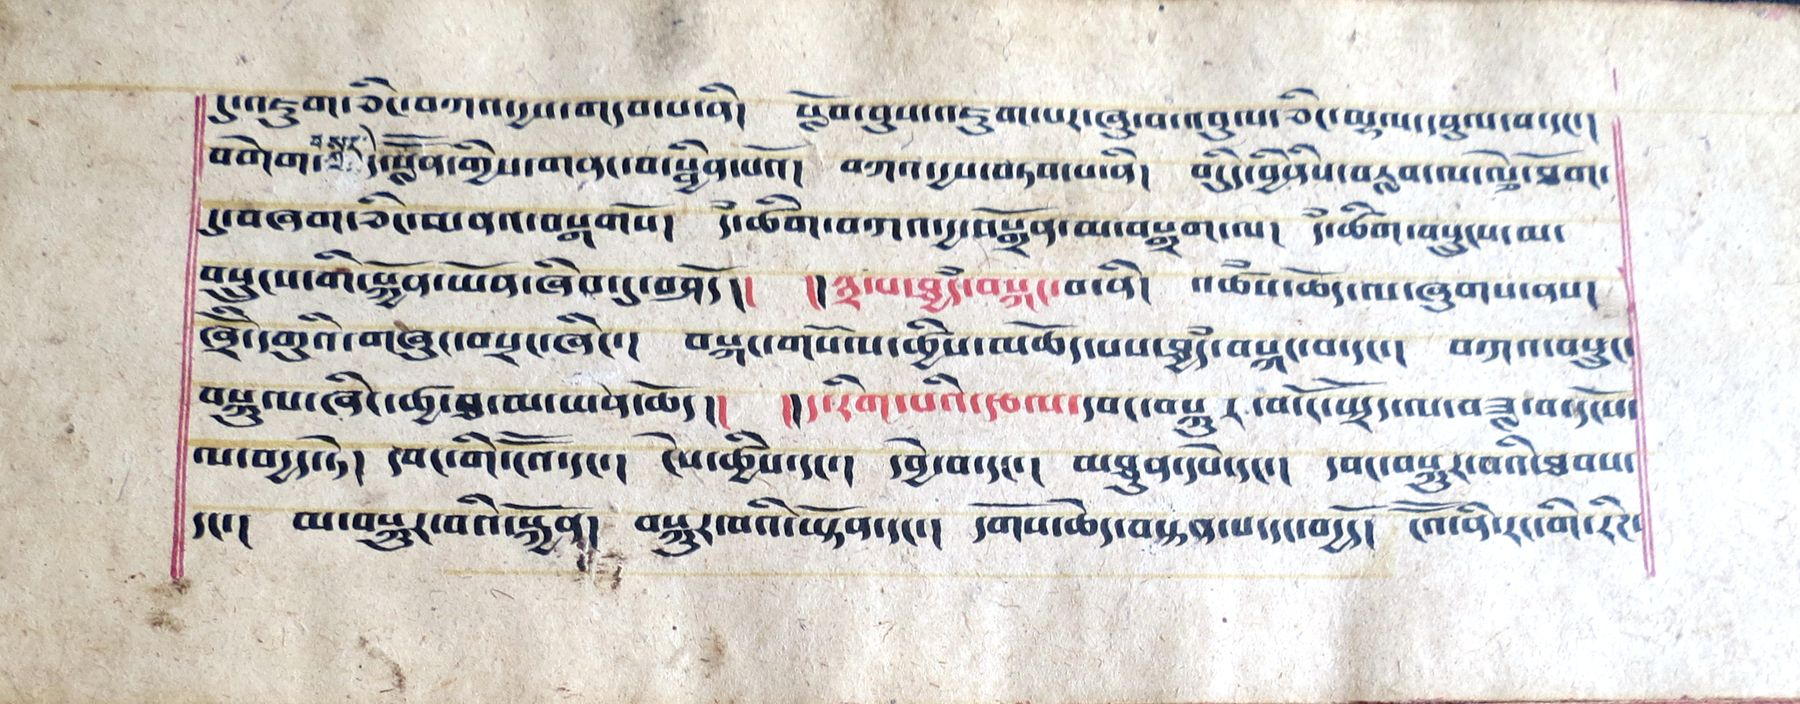དུ་འཇུག་ཅིང་བཀའ་རྒྱས་གདབ་པ་ནི། སློབ་བུས་འཇུག་པར་ཞུ་བ་དབུལ་ཅིང་ལྷམ་དབུལ་བ་དང་། 
བགེགས་བསྐྲད་དེ་སློབ་དཔོན་གྱིས་གནང་བ་སྦྱིན་པའོ། །བཀའ་རྒྱས་བཏབ་པ་ནི། བདུད་རྩི་བྱིན་གྱིས་བརླབས་ལ་ལྕེ་ཐོག་
བཞག་ཅིང་མནའ་བསྒགས་སོ། །དམ་ཚིག་བཀའ་རྒྱ་སྒྲོན་མ་བསྒྲག་ལ། དམ་ཚིག་བསྲུང་མ་
བསྲུང་གི་སྐྱོན་ཡོན་ཞིབ་ཏུ་བཤད་དོ། ། གསུམ་པ་ཐུགས་དམ་བསྐང་བ་ནི། མཚམས་ཆོད་ལ་ཞུགས་ནས། 
ཞི་ཁྲོ་དགུའི་གཞུང་བསྲང་ཞིང་། བསྐང་གསོལ་ཚོགས་ཀྱི་མཆོད་པས་ཐུགས་དམ་བསྐང་བ་དང་། བཀའ་སྲུང་
བསྐུལ་ཞིང་ཚོགས་ཐ་མ་ཡན་ཆོད། ། ད་རིག་པའི་རྩལ་དབང་བསྐུར་བ་ངོ་སྤྲོད་ལ་བཟླ་བ་དངོས་
ལ་བརྒྱད་དེ། དབང་གི་ངོ་བོ་དང་། ངེས་ཚིག་དང་། དབྱེ་བ་དང་། མཐུན་དཔེ་དང་། དབང་བསྐུར་བའི་ཐབས་
དང་། མ་བསྐུར་བའི་སྐྱོན། བསྐུར་བའི་ཡོན་ཏན་དང་། དགོས་ཆེད་བསྟན་པ་དང་བརྒྱད་དོ། །ངོ་བོ་ནི་རང་གི་རིག་